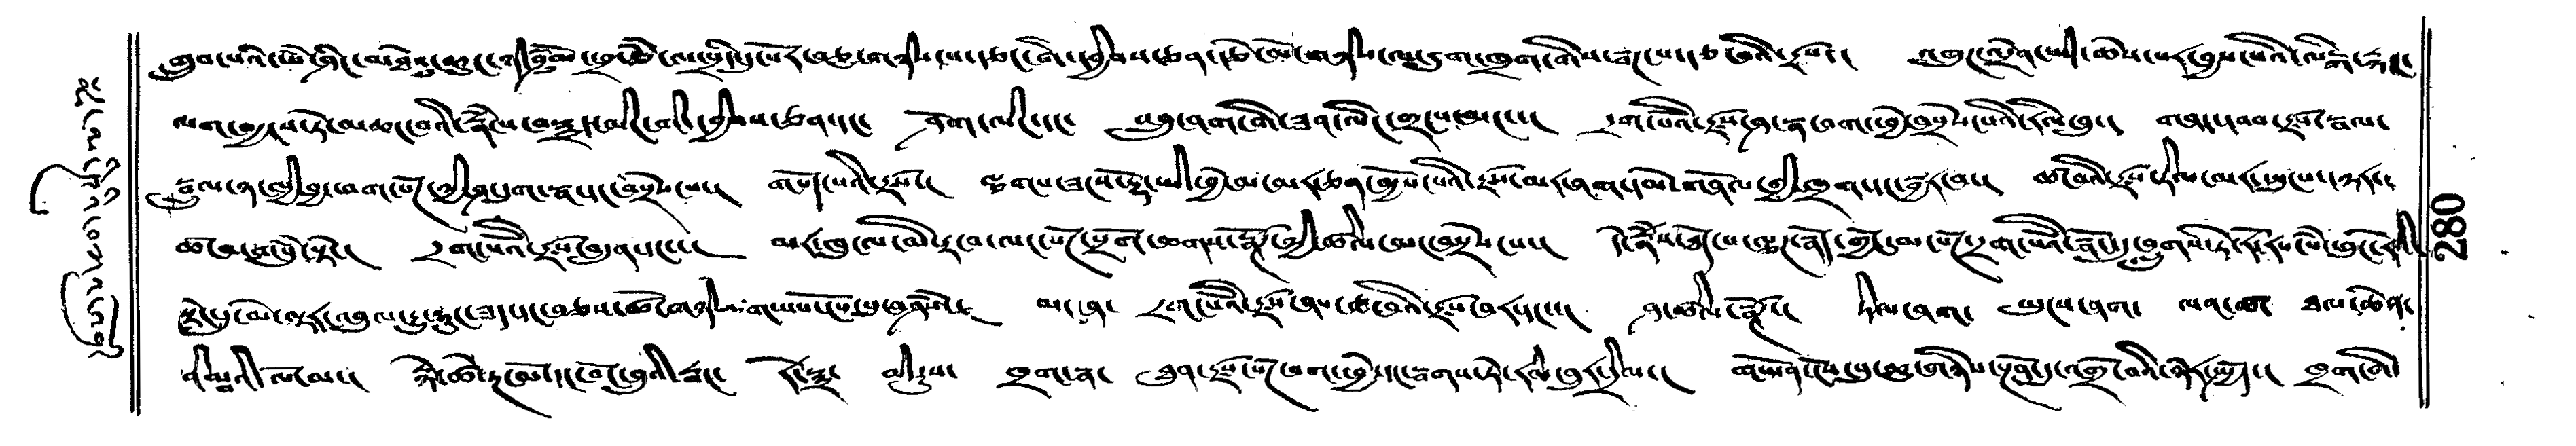གྲུབ་པའི་ཡམ་ཤིང་མཐེའུ་ཆུང་ཉི་ཤུའི་སྦོམ་ཕྲ་ཙམ་ལ་སྲིད་དུ་སོར་བཅུ་གཉིས་པ་རྩང་གི་དབྱིབས་ཅན་རྩེ་མོ་གཉིས་ལ་དུག་ཁྲག་གིས་སྦགས་པའི་རྩ་བའི་རྫས། འགུགས་འདྲེན་ཡིད་ཆེས་པར་བྱས་པའི་ལིངྒ་རྐང་
ལག་བརྒྱངས་ཏེ་ངུ་བའི་རྣམ་པ་བསྐྲད་ལིང་གི་དབྱིབས་ཅན་དང་། ཤོག་ལིང་དང་། འབྲུ་ནག་གི་ཟན་ལིང་གྲངས་མང་། དྲག་པོའི་རྫས་ཤ་སྣ་བག་ཕྱེ་བསྲེས་པའི་རིལ་བུ། གནད་དབབ་རྫས་སྦལ་
སྦྲུལ་ཉ་ཁྱི་བྱ་ཕག་སོགས་ཀྱི་ཤ་དུག་སྣ་དང་བསྲེས་པ།གསོད་པའི་རྫས། ལྕགས་ཟངས་རྡོ་ཡི་ཕྱེ་མ། མྱོས་པའི་རྫས་མར་ནག་དམེ་གནོལ་གྱི་ཁྲག་དང་སྦྱར་བ་དང་། ཚ་བའི་རྫས་ཏིལ་མར་ཡུངས་དཀར། 
ཚ་བ་གསུམ་སྟེ། དྲག་པོའི་རྫས་བདུན་དང་། མར་ཁུ་ལ་མི་རྟ་བ་ལང་སོགས་སྲོག་ཆགས་སྣ་ཚོགས་ཀྱི་ཚིལ་མང་བསྲེས་པ། དེ་རྣམས་ཐོད་པ་ལྕགས་སྣོད་གྱོ་མ་སོགས་དྲག་པོའི་སྣོད་དུ་བླུགས་ཏེ་རོ་རས་སམ་ཕུང་རོའི་
སྟེང་དུ་མེ་ལྟར་འབུལ་རྒྱུ་ཉུང་ཟད་དང་བཅས་ཚོ་གཉིས་གཡས་ངོས་སུ་བཤམས། ཡང་ན། དྲག་པོའི་རྫས་ནས་ཚ་བའི་རྫས་བར་དང་། ཤ་ཚིལ་སྣ་ཚོགས། ཏིལ་ནག ཡུངས་ནག ལན་ཚ། ཐལ་ཆེན། 
ནིམ་བའི་ལོ་མ། རྐེ་ཚེ་རྔ་མོ་དང་བོང་བུའི་རྦང་། རོ་སྐྲ། མི་རུས། ཁྲག་སྣ། ཐུན་རྫས་སོགས་བག་ཕྱེ་དང་སྦགས་ཏེ་རིལ་བུར་དྲིལ། གཡོན་ངོས་སུ་ཆུ་གཉིས་སྔོན་དུ་འགྲོ་བའི་ཉེར་སྤྱོད། ཁྲག་གི་